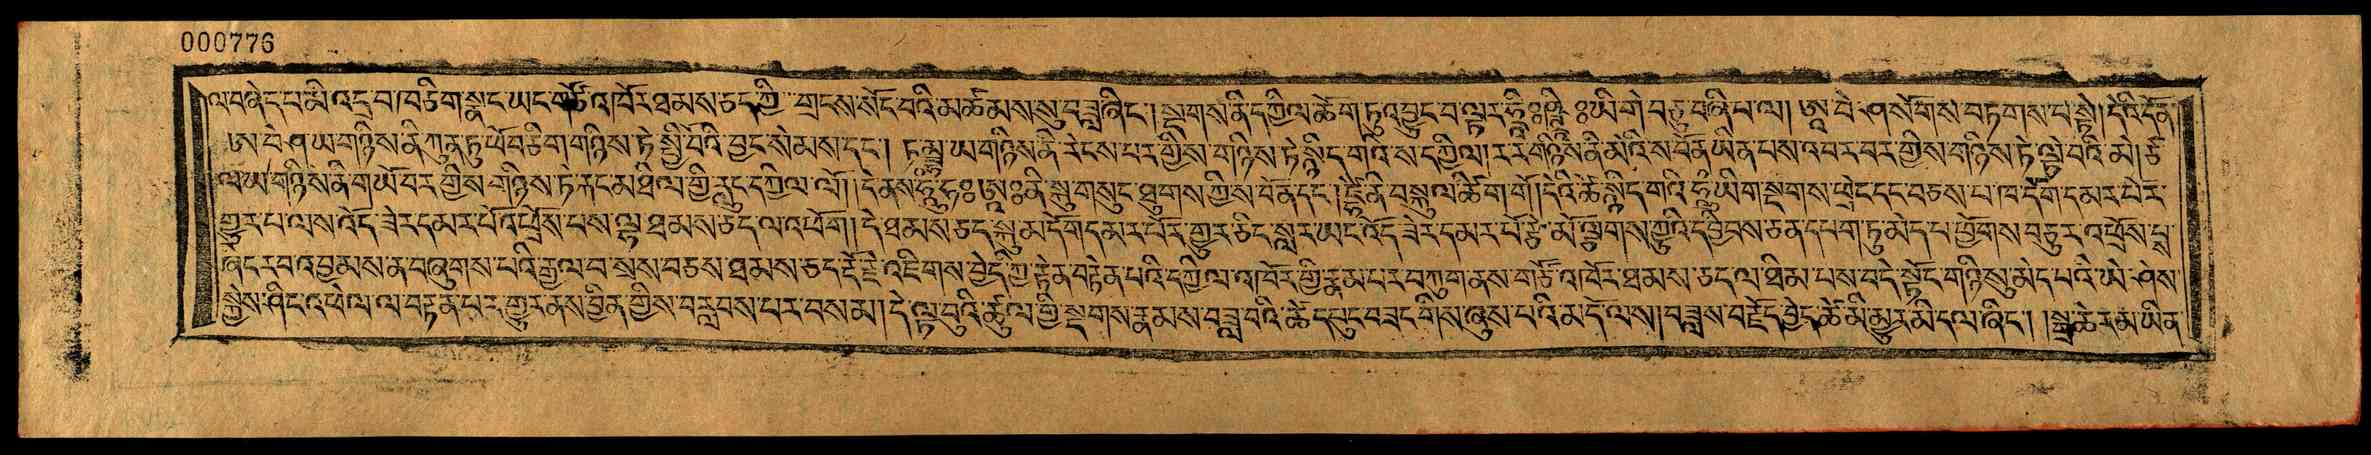ལ་བཞེད་པ་མི་འདྲ་བ་ཁ་ཅིག་སྣང་ཡང་གཙོ་འཁོར་ཐམས་ཅད་ཀྱི་གྲངས་སོང་བའི་མཚམས་སུ་བཟླ་ཞིང་། སྔགས་ནི་དཀྱིལ་ཆོག་ཏུ་འབྱུང་བ་ལྟར་ཧྲཱིཿ ཥྚྲཱིཿ ཡི་གེ་བཅུ་བཞི་པ་ལ། ཨཱ་བེ་ཤ་སོགས་བཏགས་པ་སྟེ། དེའི་དོན་
ཨཱ་བེ་ཤ་ཡ་གཉིས་ནི་ཀུན་ཏུ་ཕོབ་ཅིག་གཉིས་ཏེ་སྤྱི་བོའི་བྱང་སེམས་དང་། ཏམྦྷ་ཡ་གཉིས་ནི་རེངས་པར་གྱིས་གཉིས་ཏེ་སྙིང་གའི་ས་དཀྱིལ། རར་གཉིས་ནི་མེའི་ས་བོན་ཡིན་པས་འབར་བར་གྱིས་གཉིས་ཏེ་ལྟེ་བའི་མེ། ཙ་
ལ་ཡ་གཉིས་ནི་གཡོ་བར་གྱིས་གཉིས་ཏེ་རྐང་མཐིལ་གྱི་རླུང་དཀྱིལ་ལོ། །དེ་ནས་ཧཱུཾ་ཧཿ ཨཱཿ ནི་སྐུ་གསུང་ཐུགས་ཀྱི་ས་བོན་དང་། ཛྷཻ་ནི་བསྐུལ་ཚིག་གོ །དེའི་ཚེ་སྙིང་གའི་ཧཱུཾ་ཡིག་སྔགས་ཕྲེང་དང་བཅས་པ་ཁ་དོག་དམར་པོར་
གྱུར་པ་ལས་འོད་ཟེར་དམར་པོ་འཕྲོས་པས་ལྷ་ཐམས་ཅད་ལ་འཕོག །དེ་ཐམས་ཅད་སྐུ་མདོག་དམར་པོ་གྱུར་ཅིང་སླར་ཡང་འོད་ཟེར་དམར་པོ་རྩེ་མོ་ལྕགས་ཀྱུའི་དབྱིབས་ཅན་དཔག་ཏུ་མེད་པ་ཕྱོགས་བཅུར་འཕྲོས་པས་
ཞིང་རབ་འབྱམས་ན་བཞུགས་པའི་རྒྱལ་བ་སྲས་བཅས་ཐམས་ཅད་རྡོ་རྗེ་འཇིགས་བྱེད་ཀྱི་རྟེན་བརྟེན་པའི་དཀྱིལ་འཁོར་གྱི་རྣམ་པར་བཀུག་ནས་གཙོ་འཁོར་ཐམས་ཅད་ལ་ཐིམ་པས་བདེ་སྟོང་གཉིས་སུ་མེད་པའི་ཡེ་ཤེས་
སྐྱེས་ཤིང་འཕེལ་ལ་བརྟན་པར་གྱུར་ནས་བྱིན་གྱིས་བརླབས་པར་བསམ། དེ་ལྟ་བུའི་ཚུལ་གྱི་སྔགས་རྣམས་བཟླ་བའི་ཚེ་དཔུང་བཟང་གིས་ཞུས་པའི་མདོ་ལས། བཟླས་བརྗོད་བྱེད་ཚེ་མི་མྱུར་མི་དལ་ཞིང་། །སྒྲ་ཆེར་མ་ཡིན་